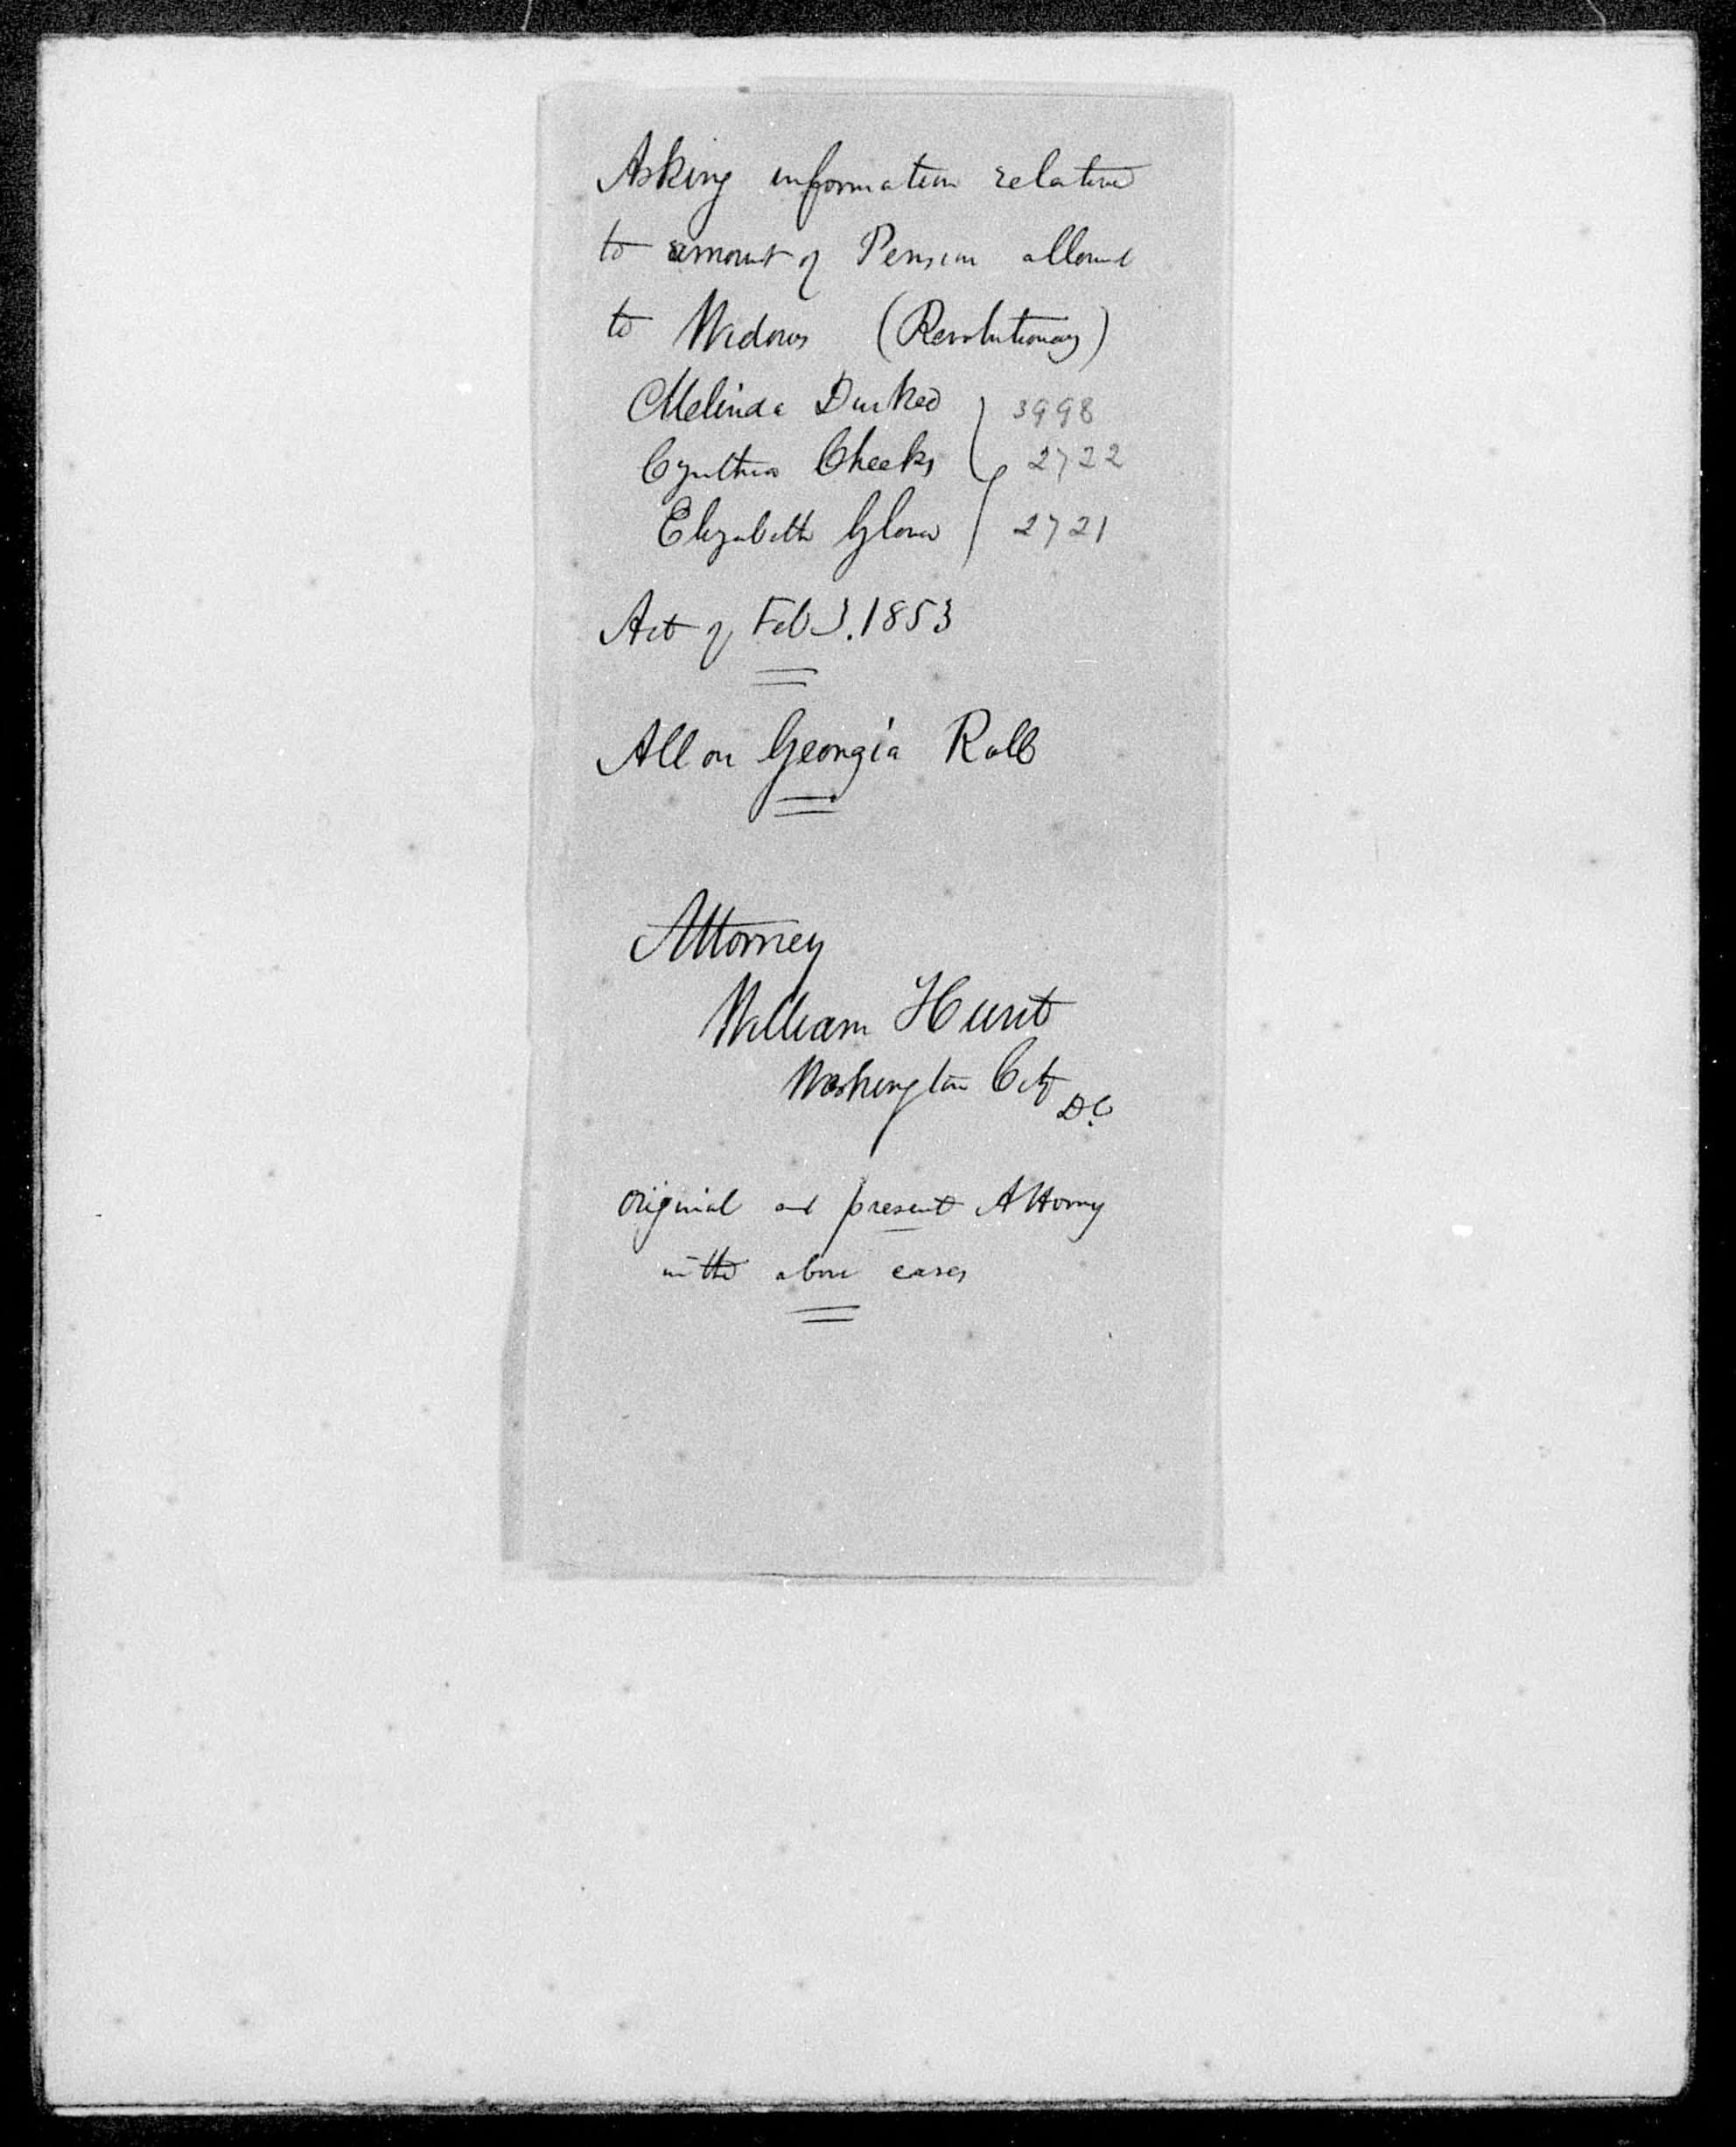Asking information relation to summary Pension allowed to Widow (Revolutionary) 

Melinda Durkee} 3998
Cynthina Cheeks} 2722 
Elizabeth Glover} 2721

Act of Feb 3, 1853

All on Georgia Roll 

Attorney 

William Hunt 
Washington City D.C

Original and present Attorney 
with above cases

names: Melinda Durkee, Elizabeth Glover, Cynthia Cheeks, William Hunt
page: 22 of 51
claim: widow's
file: W. 929, William Glover, N.C.